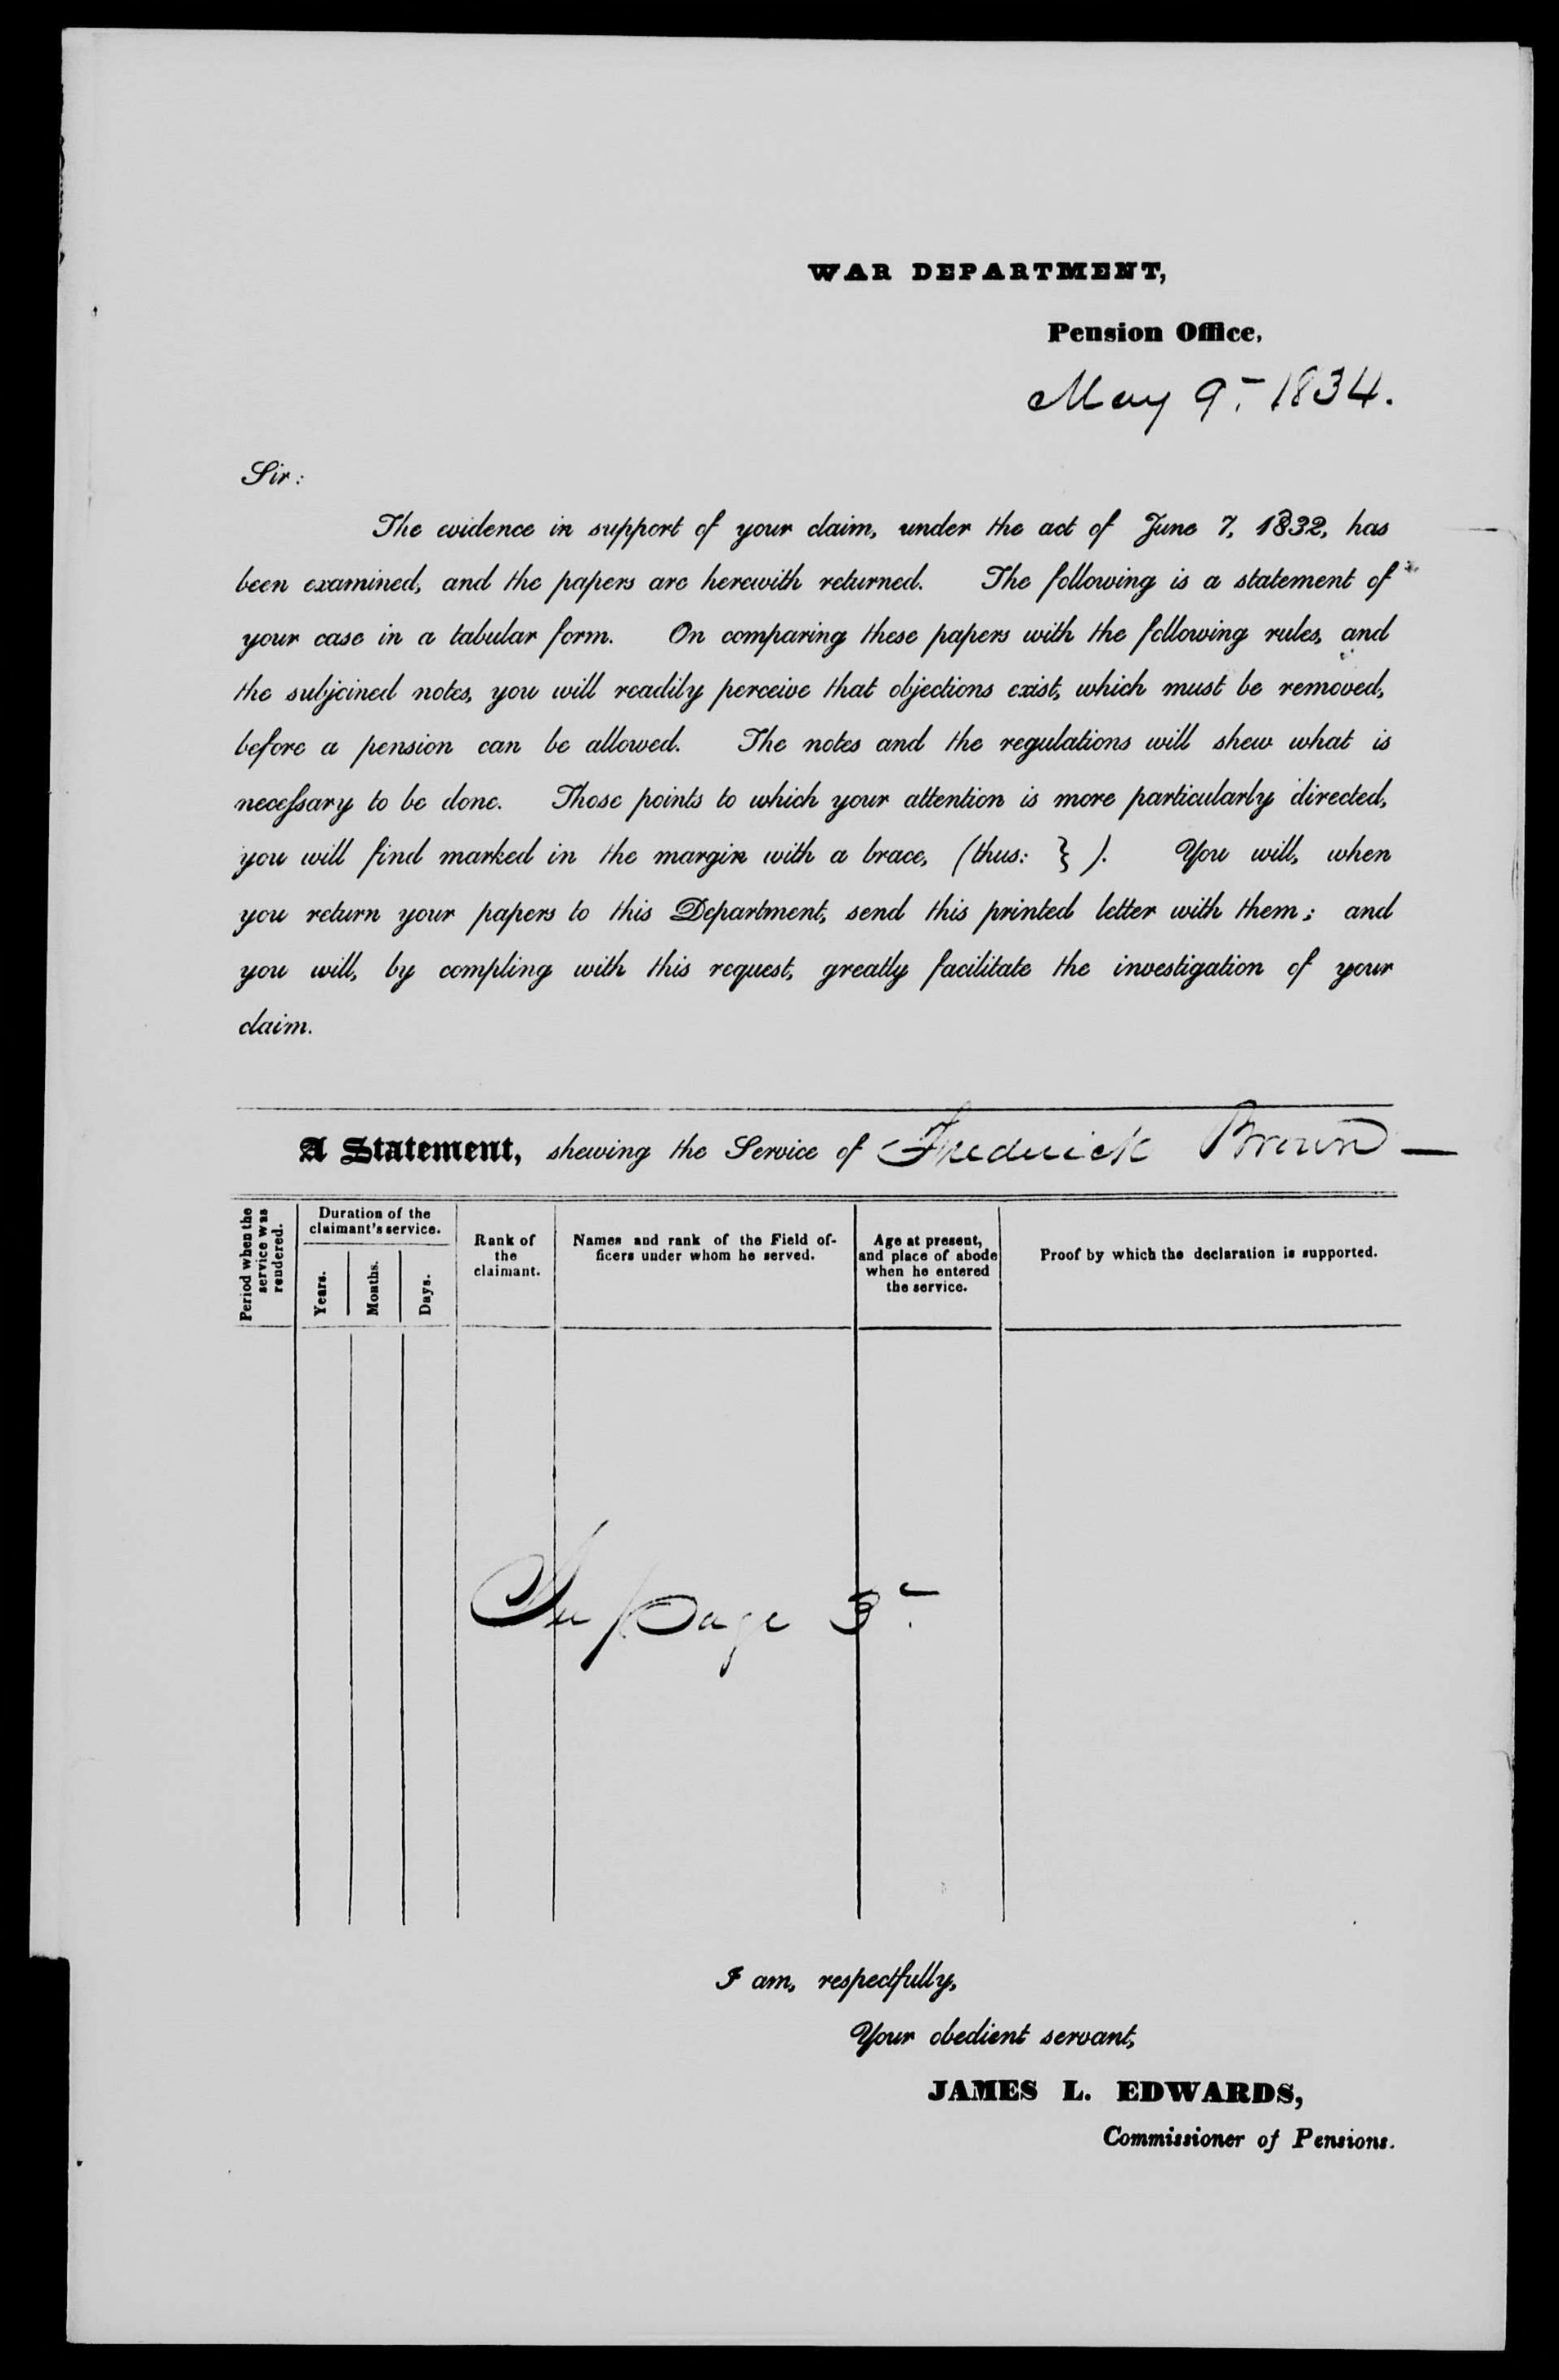WAR DEPARTMENT, 
                                             Pension Office,
                                             May 9, 1834.
Sir:
     The evidence in support of your claim, under the act of June 7, 1832, has been examined, and the papers are herewith returned.  The following is a statement of your case in a tubular form.  On comparing these papers with the following rules, and the subjoined notes, you will readily perceive that objections exist, which must be removed, before a pension can be allowed.  The notes and the regulations will shew what is necessary to be done.  Those points to which your attention is more particularly directed, you will find marked in the margin with a brace, (thus: }).  You will, when you return your papers to this Department, send this printed letter with them; and you will, by complying with this request, greatly facilitate the investigation of your claim.

A Statement, shewing the Service of Frederick Brown

Supage 3

                   I am, respectfully,
                        Your obedient servant,
                            JAMES L. EDWARDS
                                Commissioner of Pensions.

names: James L Edwards, Frederick Brown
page: 9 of 11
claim: survivor's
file: S. 31,576, Frederick Brown, Ga.